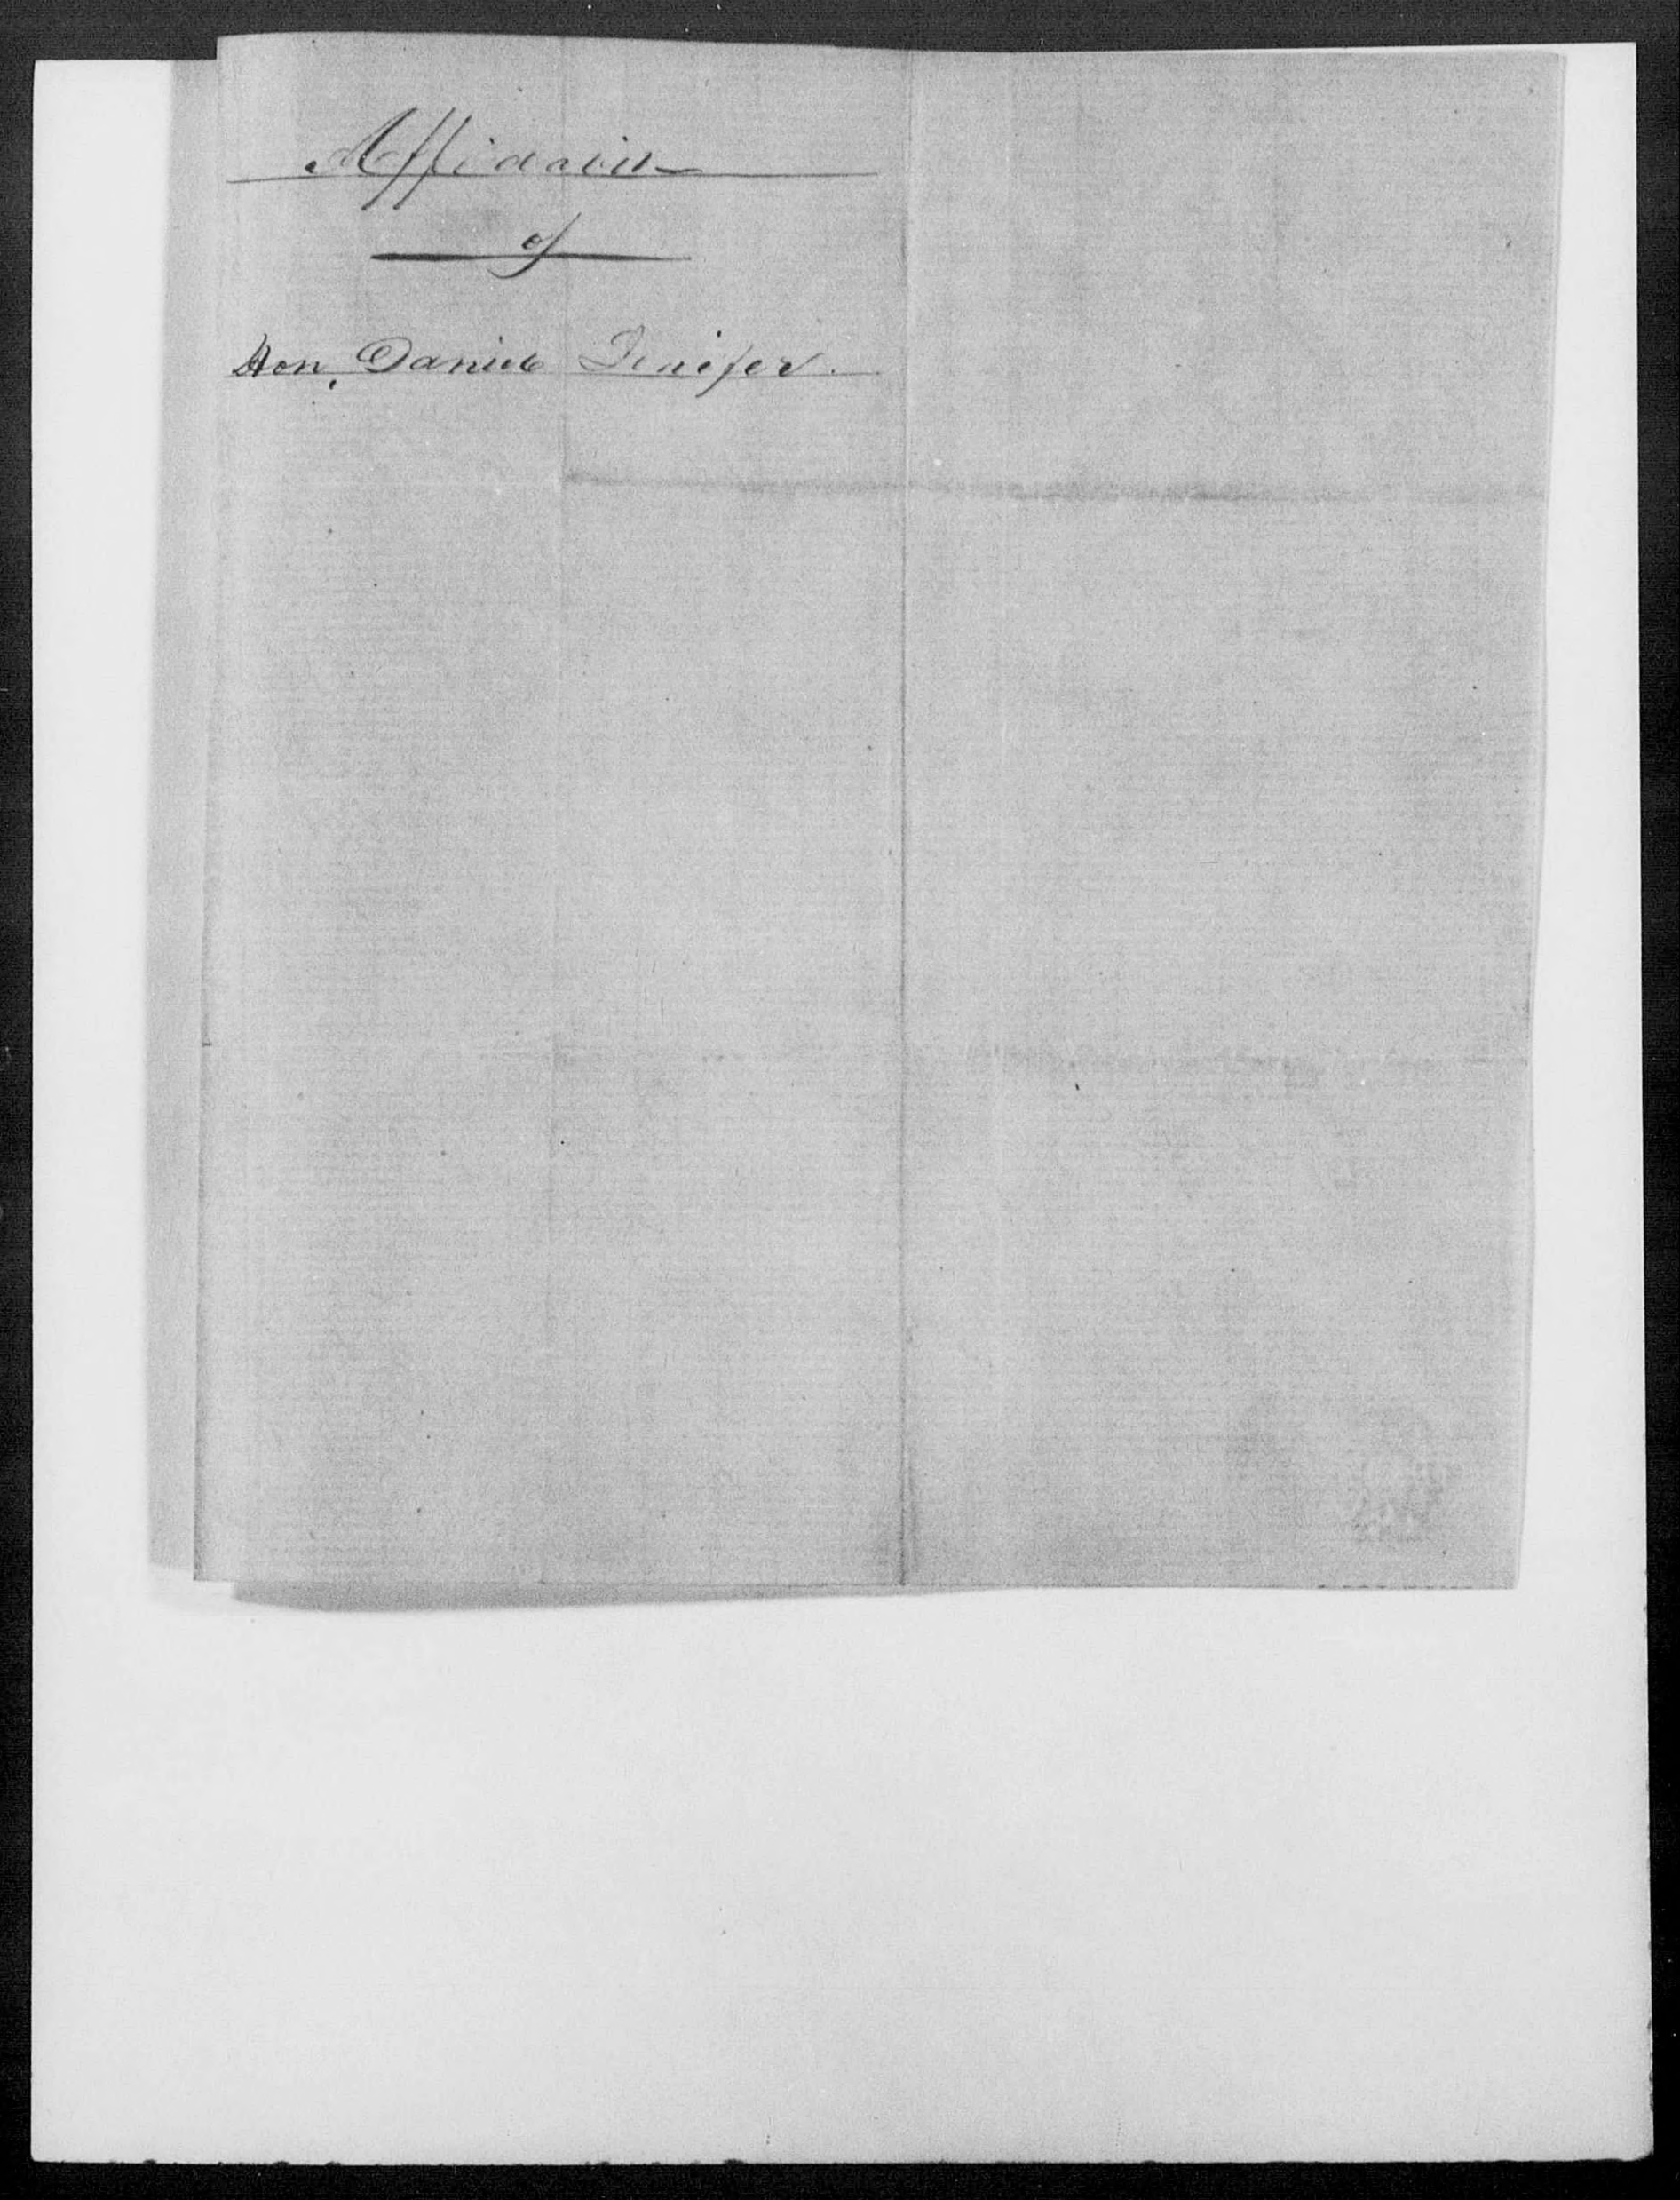Affidavit
Of 
Hon. Daniel Jenifer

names: Daniel Jenifer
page: 19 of 22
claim: rejected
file: R 1709, Joshua Carnes, Va.